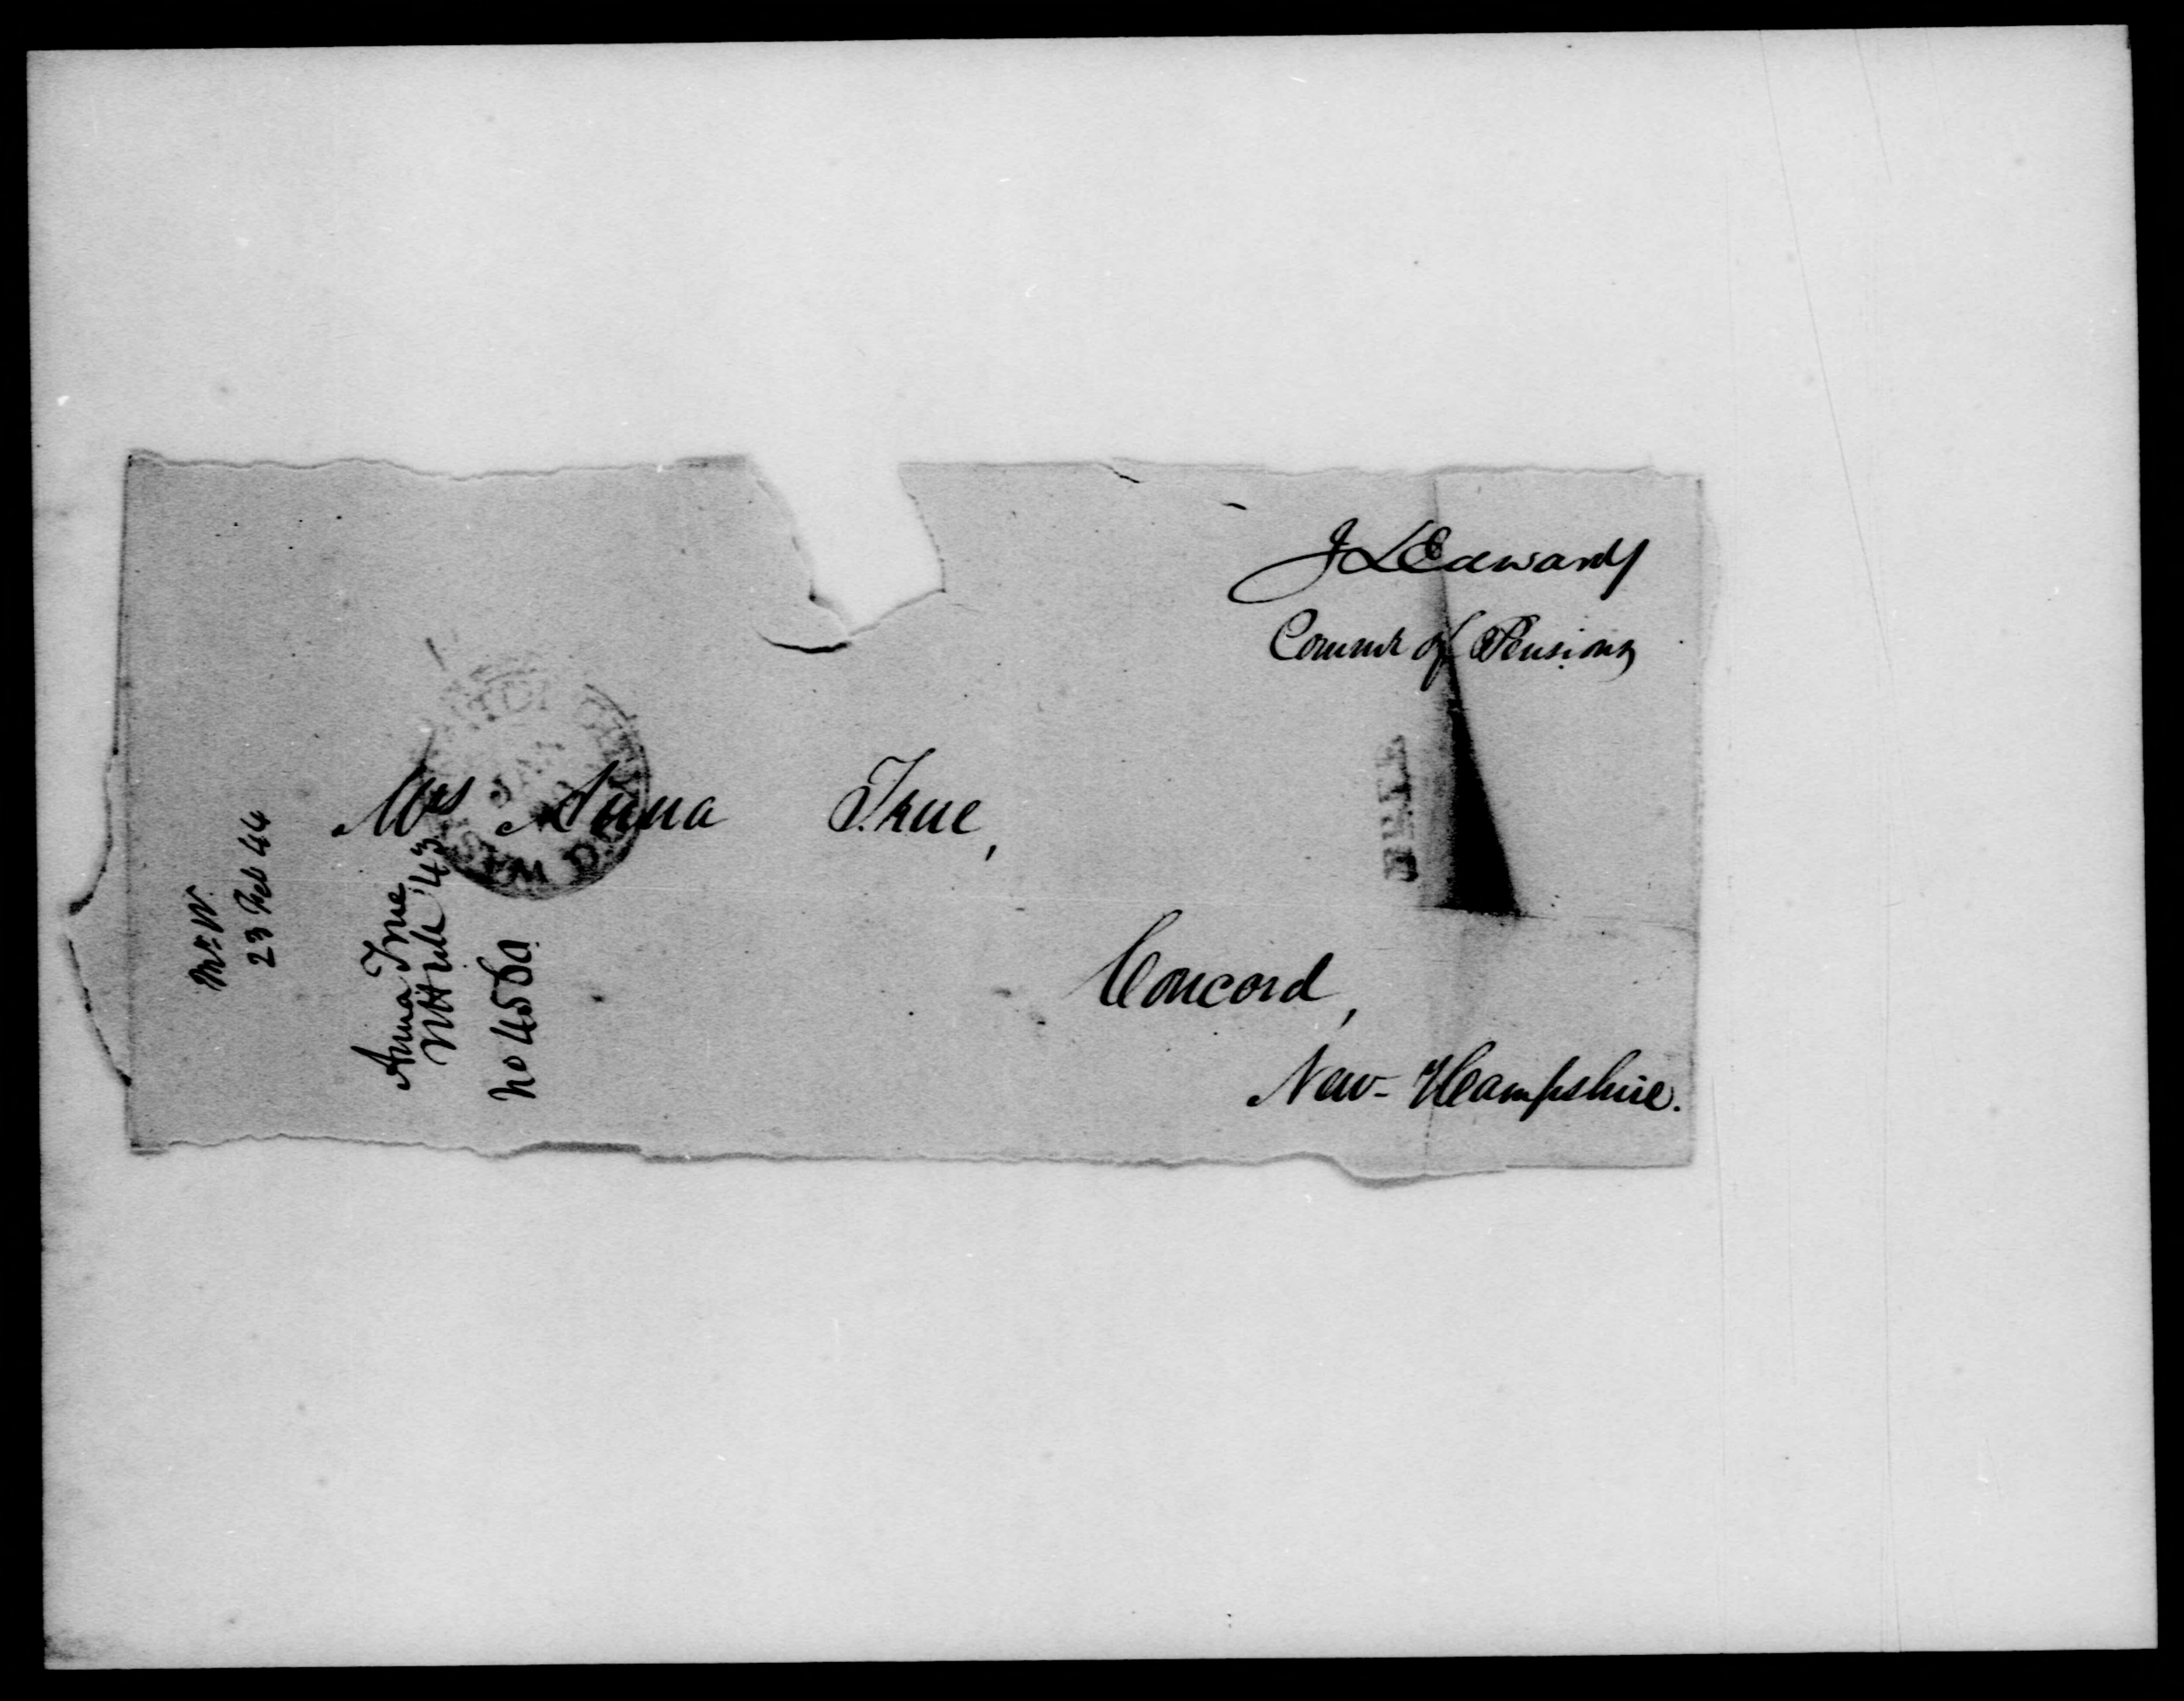J L  Edwards
Council of Pensions

W Anna True

Concord
New Hampshire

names: J L Edwards, Anna True, Anna True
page: 12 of 24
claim: widow's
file: W. 16,451, Abraham True, N.H.